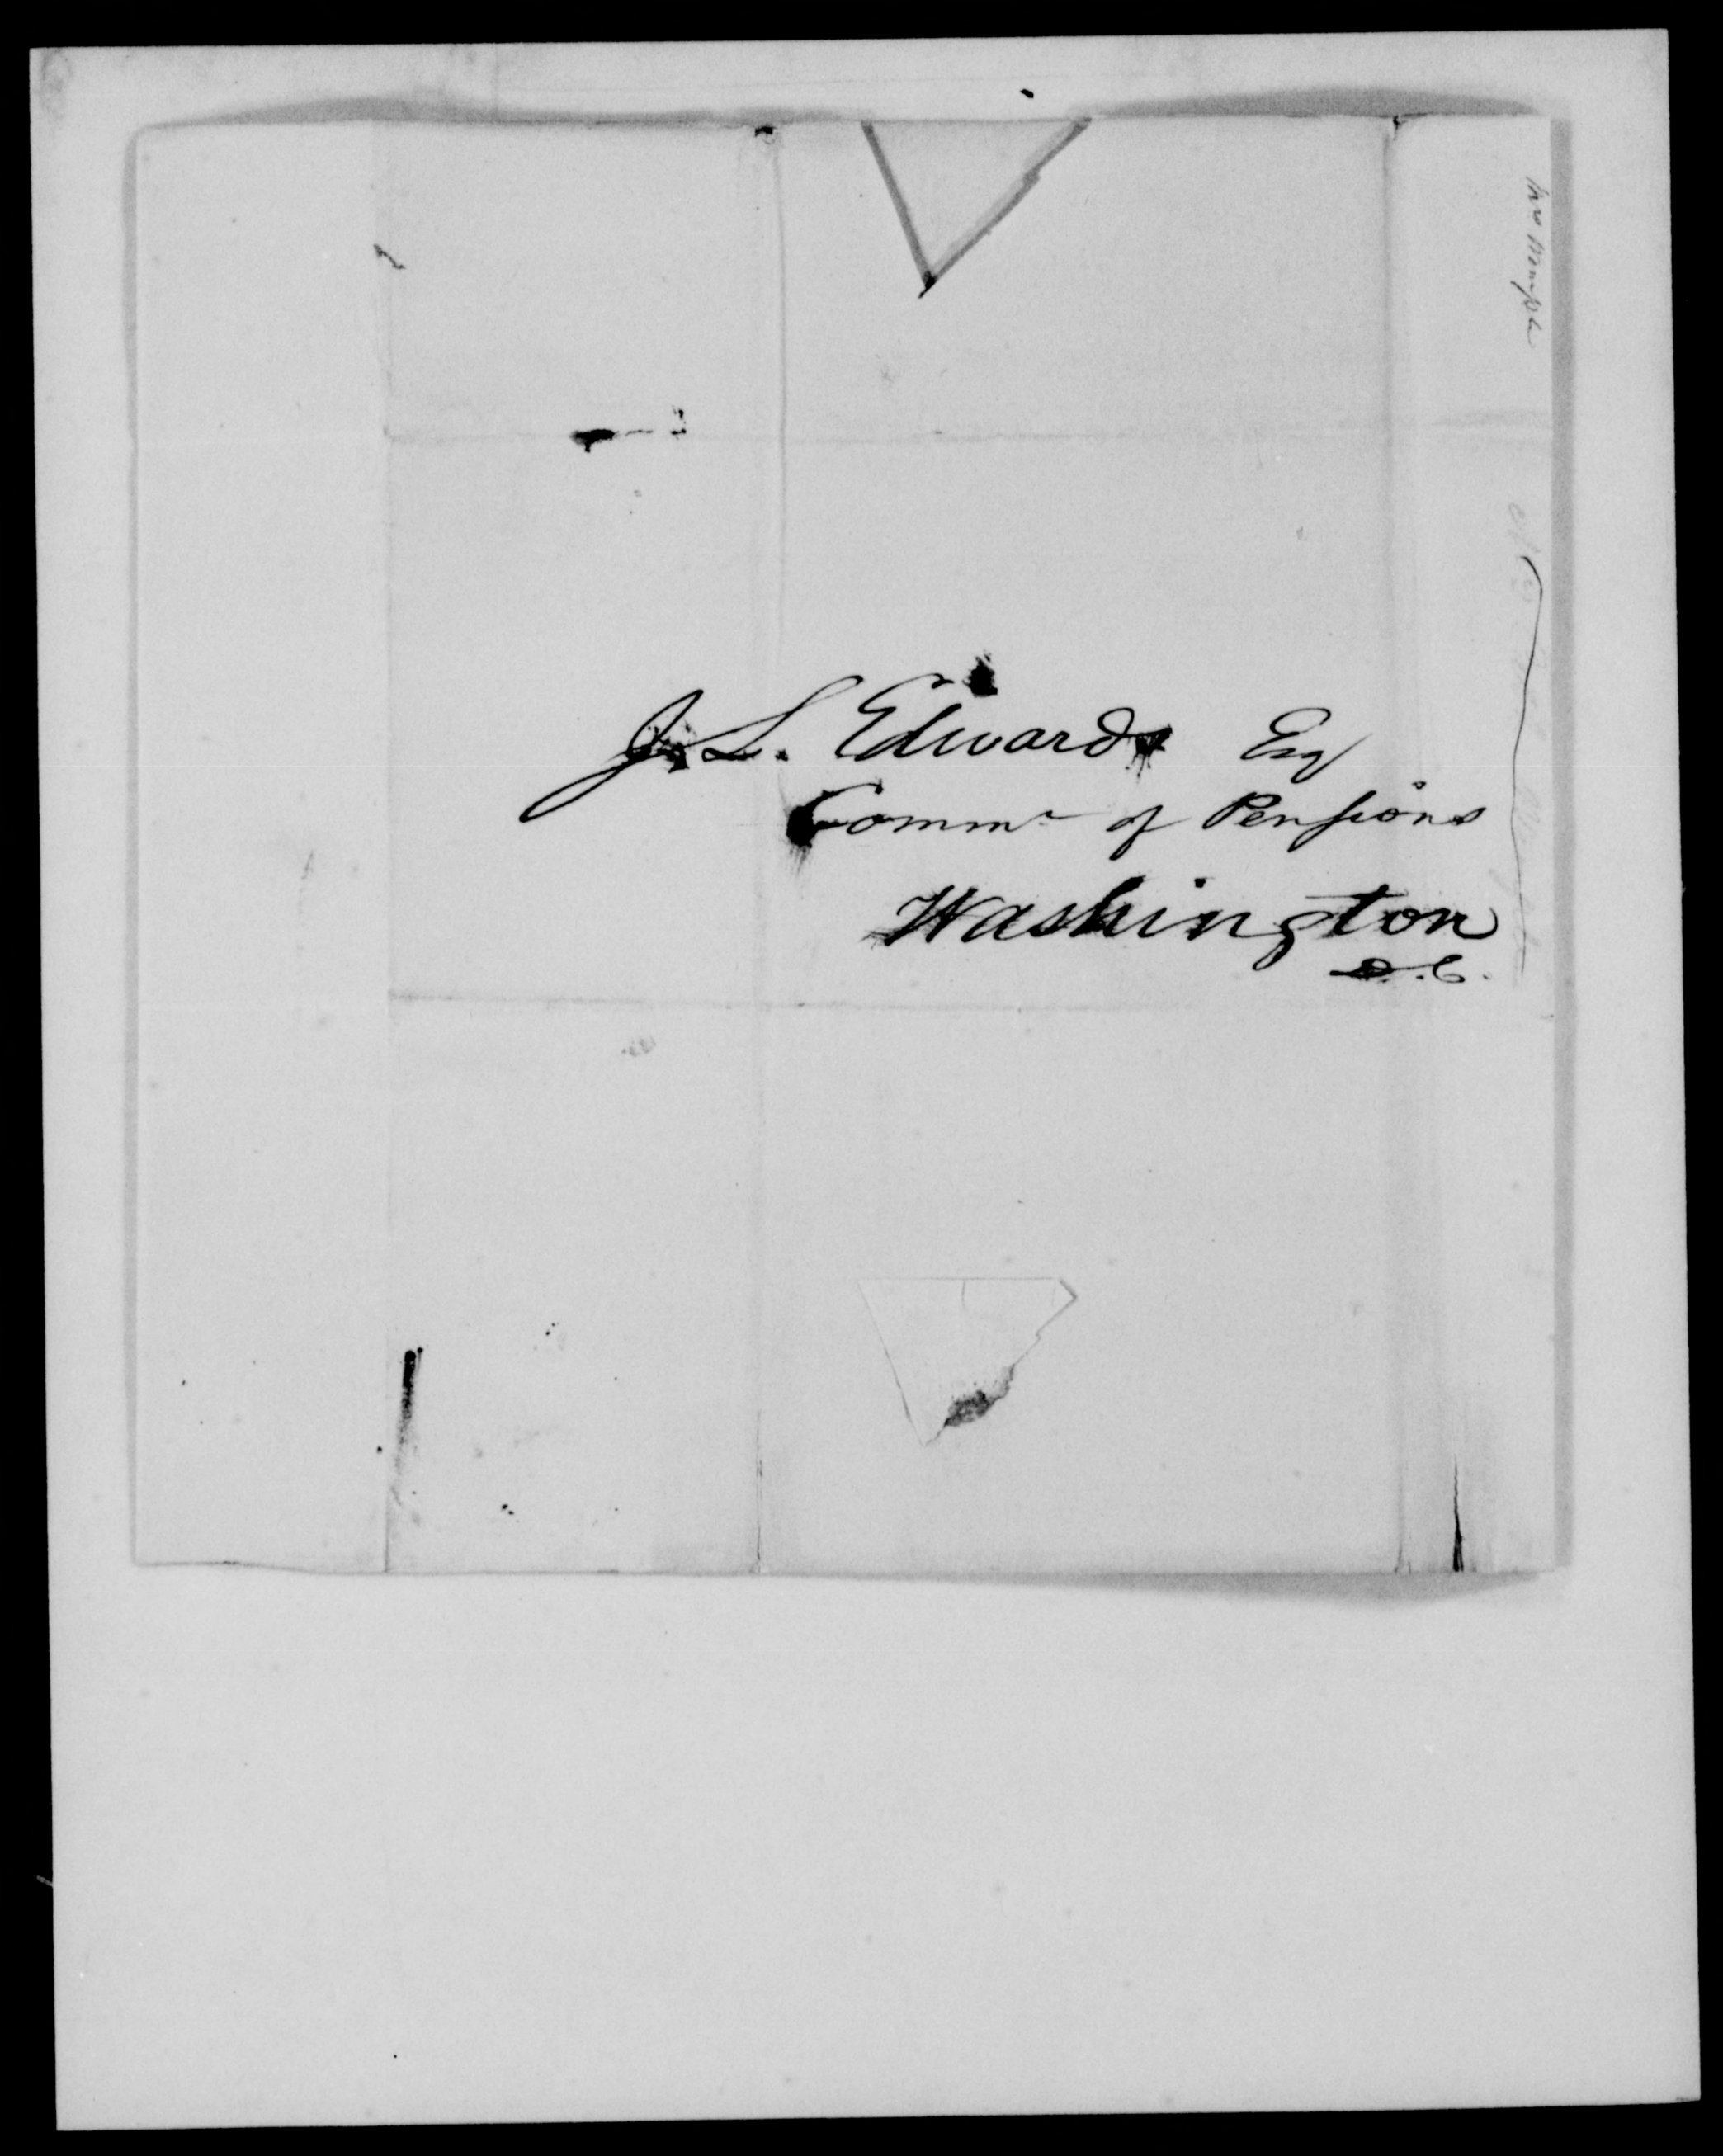J. L. Edwards Esq
Commr of Pensions
Washington
D.C.


(written on edge) Mrs. Wemple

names: J L Edwards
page: 43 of 51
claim: widow's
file: W. 19604, Myndert B Wemple, New York